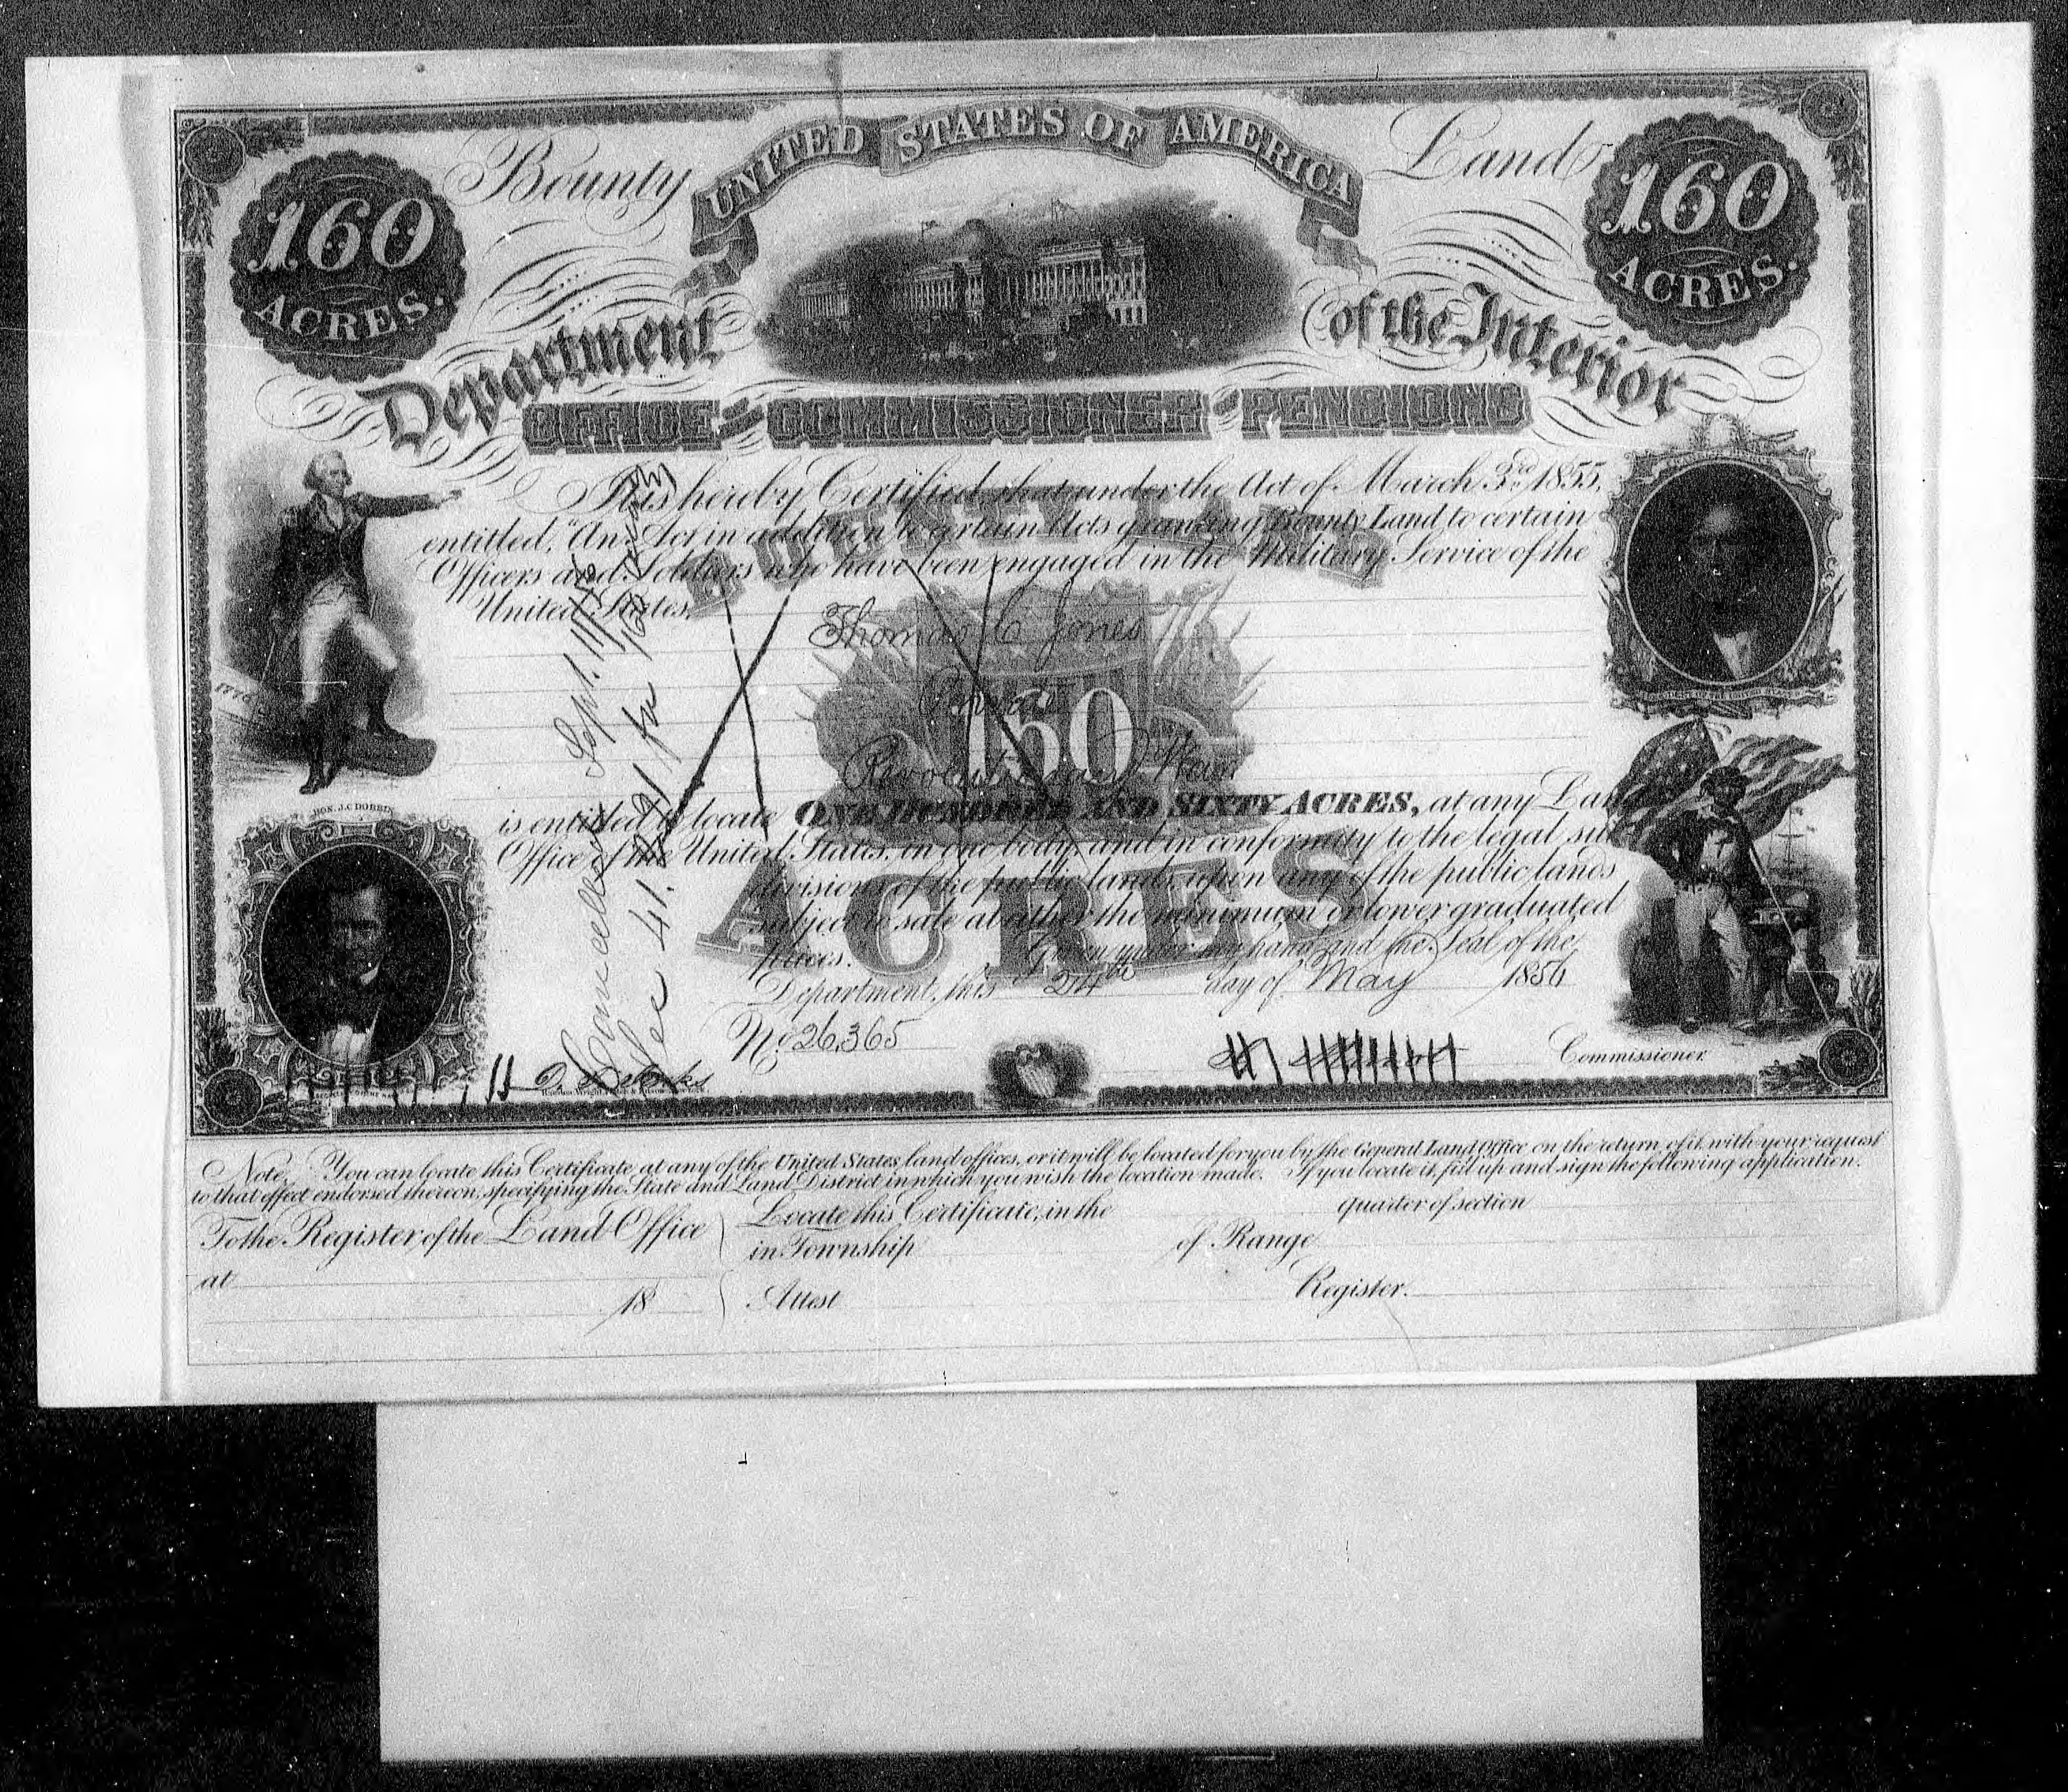UNITED STATES OF AMERICA
Bounty Land
160 ACRES
Department of the Interior
OFFICE of COMMISSIONER of PENSIONS
It is hereby Certified that under the Act of March 3rd, 1855, 
entitled "An Act in addition to [illegible] granting Bounty Land to certain
Officers and Soldiers that have been engaged in the Military Service of the 
United States"
Thomas C. Jones
Private
Revolutionary War
is entitled to locate ONE HUNDRED AND SIXTY ACRES, at any Land
Office of the United States, in one body, and in conformity to the legal [illegible - runs into a picture]
divisions of the public lands, upon any of the public lands subject to sale at the minimum above graduated 
[illegible]
Given under my hand and the Seal of the 
Department, this 24th day of May 1856
No. 26.365
[illegible signature and title]
[another illegible signature] Commissioner

 Note:  You can locate this Certificate at any of the United States land offices or it will be located for you by the General Land Office on the return of it with your request
to that effect endorsed thereon specifying the State and Land District in which you wish the location made.  If you locate it, fill up [?] and sign the following application.
To the Register of the Land Office
at [blank]
[blank for date]
Locate this Certificate in the [blank] quarter of section [blank]
in Township [blank] of Range [blank]
Attest [blank]  Register [blank]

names: Thomas C Jones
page: 35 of 45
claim: widow's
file: W. 26160, for Thomas C Jones, Georgia